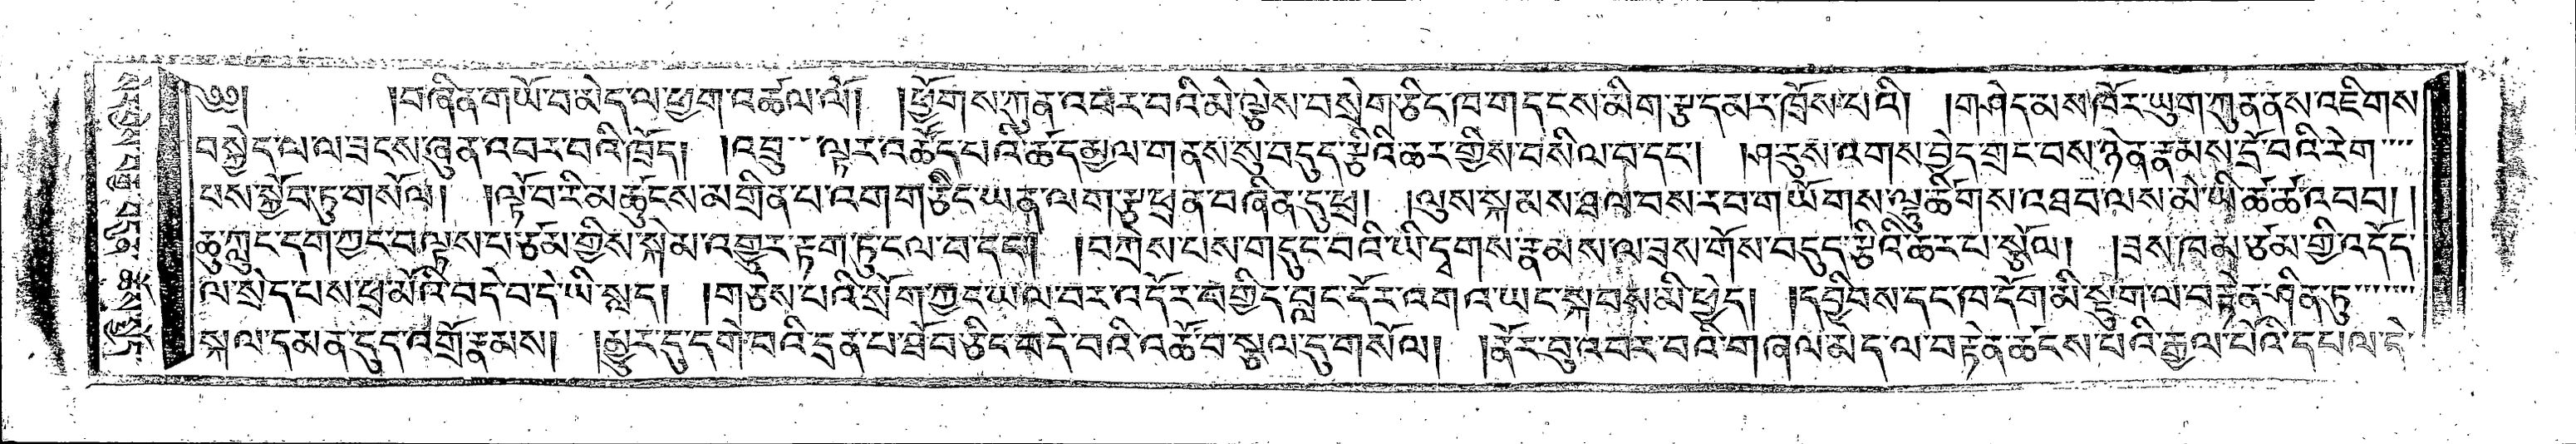༄༅། །བཞིན་གཡོ་བ་མེད་ལ་ཕྱག་འཚལ་ལོ། །ཕྱོགས་ཀུན་འབར་བའི་མེ་ལྕེས་བསྲེག་ཅིང་ཁ་གདངས་མིག་རྩ་དམར་ཁྲོས་པའི། །གཤེགས་མས་ཁོར་ཡུག་ཀུན་ནས་འཇིགས་
བསྐྱེད་ལ་ལ་ཟངས་ཞུན་འབར་བའི་ཁྲོད། །འབྲུ་ལྟར་འཚོད་པའི་ཚ་དམྱལ་གནས་སུ་བདུད་རྩིའི་ཆར་གྱིས་བསིལ་བ་དང་། །ཤ་རུས་འགས་བྱེད་གྲང་བས་ཉེན་རྣམས་དྲོ་བའི་རེག་
པས་སྐྱོབ་ཏུ་གསོལ། །ལྟོ་བ་རི་མཚུངས་མགྲིན་པ་འགག་ཅིང་ཡན་ལག་རྩ་ཕྲན་བཞིན་དུ་ཕྲ། །ལུས་སྐམས་ཐལ་བས་རབ་གཡོགས་ལྷུ་ཚིགས་འཐབ་ལས་མེ་ཡི་ཚ་ཚ་འབབ། །
ཆུ་ཀླུང་དག་ཀྱང་བལྟས་པ་ཙམ་གྱིས་སྐེམ་འགྱུར་རྟག་ཏུ་ངལ་བ་དང་། །བཀྲེས་པས་གདུང་བའི་ཡི་དྭགས་རྣམས་ལ་ཟས་གོས་བདུད་རྩིའི་ཆར་པ་སྩོལ། །ཟས་ཁམ་ཙམ་གྱི་འདོད་
ལ་སྲེད་པས་ཕྲ་མོའི་བདེ་བ་དེ་ཡི་སླད། །གཅེས་པའི་སྲོག་ཀྱང་ཡལ་བར་འདོར་བགྱིད་བླང་དོར་འགའ་ཡང་སྐབས་མི་ཕྱེད། །དབྱིབས་དང་ཁ་དོག་མི་སྡུག་ལ་བརྟེན་ཤིན་ཏུ་
སྐལ་དམན་དུད་འགྲོ་རྣམས། །མྱུར་དུ་དགེ་བའི་དྲན་པ་ཐོབ་ཅིང་བདེ་བའི་འཚོ་བ་སྩལ་དུ་གསོལ། །ནོར་བུ་འབར་བའི་གཞལ་མེད་ལ་བརྟེན་ཚངས་པའི་རྒྱལ་པོའི་དཔལ་དེ་